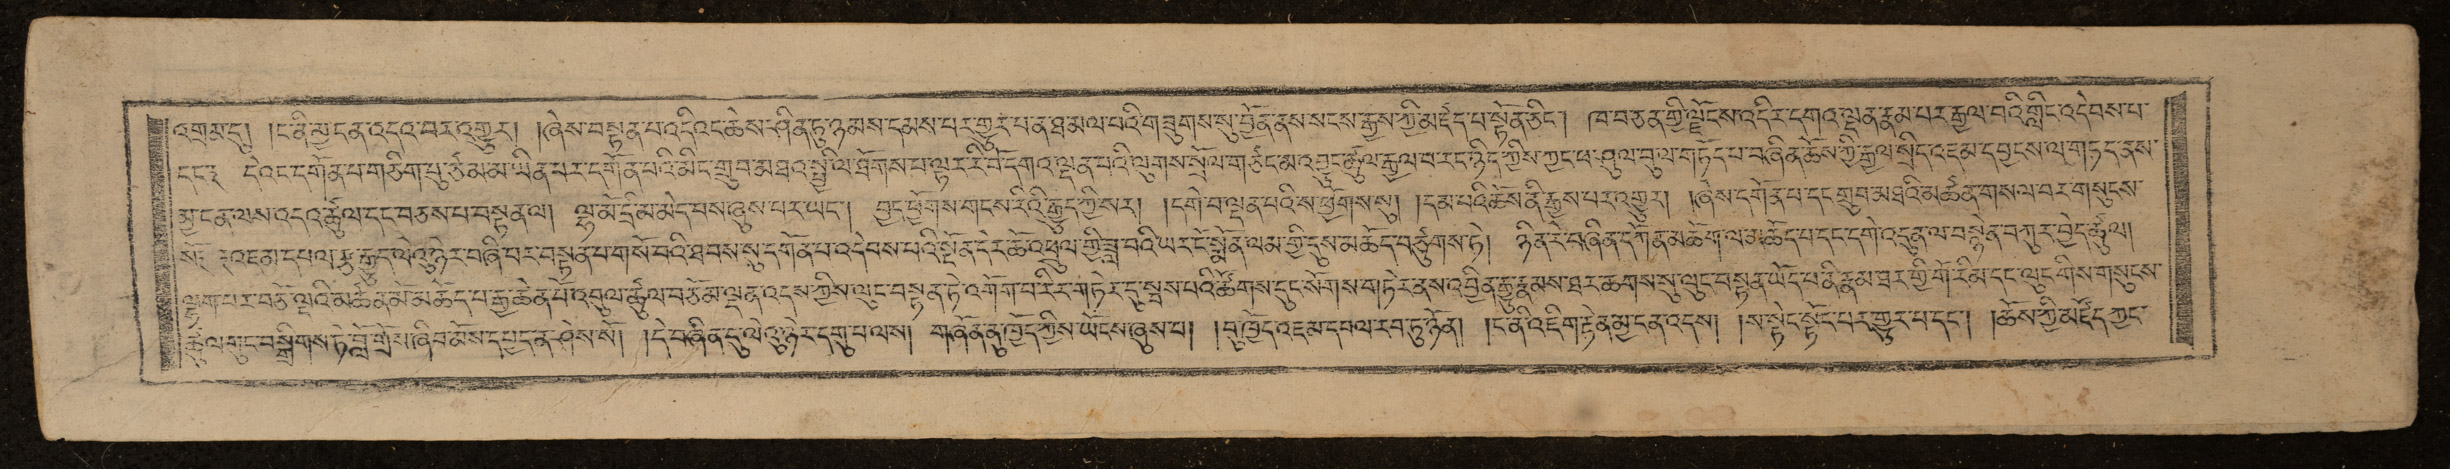འགྲམ་དུ། །ང་ནི་མྱ་ངན་འདའ་བར་འགྱུར། །ཞེས་བསྟན་པ་འདི་འང་ཆེས་ཤིན་ཏུ་ཉམས་དམས་པར་གྱུར་པ་ན་ཐ་མལ་པའི་གཟུགས་སུ་བྱིན་ནས་སངས་རྒྱས་ཀྱི་མཛད་པ་སྟོན་ཅིང་། ཁ་བ་ཅན་གྱི་ལྗོངས་འདིར་དགའ་ལྡན་རྣམ་པར་རྒྱལ་བའི་གླིང་འདེབས་པ་
དང་། དེའང་དགོན་པ་གཅིག་པུ་ཙམ་མ་ཡིན་པར་དགོན་པའི་མིང་གྲུབ་མཐའ་སྤྱིལ་ཐོགས་པ་ལྟར་རིབ་དགའ་ལྡན་པའི་ལུགས་སྲོལ་གཙང་མ་འབྱུང་ཚུལ་རྒྱལ་པ་རང་ཉིད་ཀྱིས་ཀྱང་ཕ་ཤུལ་བུ་ལ་གཏོད་པ་བཞིན་ཆོས་ཀྱི་རྒྱལ་སྲིད་འཇམ་དབྱངས་ལ་གཏད་ནས་
མྱ་ངན་ལས་འདའ་ཚུལ་དང་བཅས་པ་བསྟན་ལ། ལྷ་མོ་དྲི་མ་མེད་པས་ཞུས་པར་ཡང་། བྱང་ཕྱོགས་གངས་རིའི་རྒྱུད་ཀྱི་སར། །དགེ་བ་ལྡན་པའི་ས་ཕྱོགས་སུ། །དམ་པའི་ཆོས་ནི་རྒྱས་པར་འགྱུར། །ཞེས་དགོན་པ་དང་གྲུབ་མཐའི་མཚན་གསལ་བར་གསུངས་
སོ། །འཇམ་དཔལ་རྩ་རྒྱུད་ལེའུ་ཉེར་བཞི་པར་བསྟན་པ་གསོ་བའི་ཐབས་སུ་དགོན་པ་འདེབས་པའི་སྔོན་དེར་ཆོ་འཕྲུལ་གྱི་ཟླ་བའི་ཡང་ངོ་སྨོན་ལམ་གྱི་དུས་མཆོད་བཙུགས་ཏེ། ཉིན་རེ་བཞིན་དཀོན་མཆོག་ལ་མཆོད་པ་དང་དགེ་འདུན་ལ་བསྙེན་བཀུར་བྱེད་ཚུལ།
ལྷག་པར་བཅོ་ལྔའི་མཚན་མོ་མཆོད་པ་རྒྱ་ཆེན་པོ་འབུལ་ཚུལ་བཅོམ་ལྡན་འདས་ཀྱིས་ལུང་བསྟན་ཏེ་འགོག་པ་རིར་གཏེར་དུ་སྦས་པའི་ཚོགས་དུང་སོགས་གཏེར་ནས་འབྱིན་རྒྱུ་རྣམས་ཐར་ཆགས་སུ་ལུང་བསྟན་ཡོད་པ་ནི་རྣམ་ཐར་གྱི་གོ་རིམ་དང་ལུང་གིས་གསུངས་
ཚུལ་གུང་བསྒྲིགས་ཏེ་བློ་གྲོས་ཞིབ་མོས་དཔྱད་ན་ཤེས་སོ། །དེ་བཞིན་དུ་ལེའུ་ཉེར་དགུ་པ་ལས། གཞོན་ནུ་ཁྱོད་ཀྱིས་ཡོངས་ཞུས་པ། །བུ་ཁྱོད་འཇམ་དཔལ་རབ་ཏུ་ཉོན། །ང་ནི་འཇིག་རྟེན་མྱ་ངན་འདས། །ས་སྟེང་སྟོང་པར་གྱུར་པ་དང་། །ཆོས་ཀྱི་མཛོད་ཀྱང་